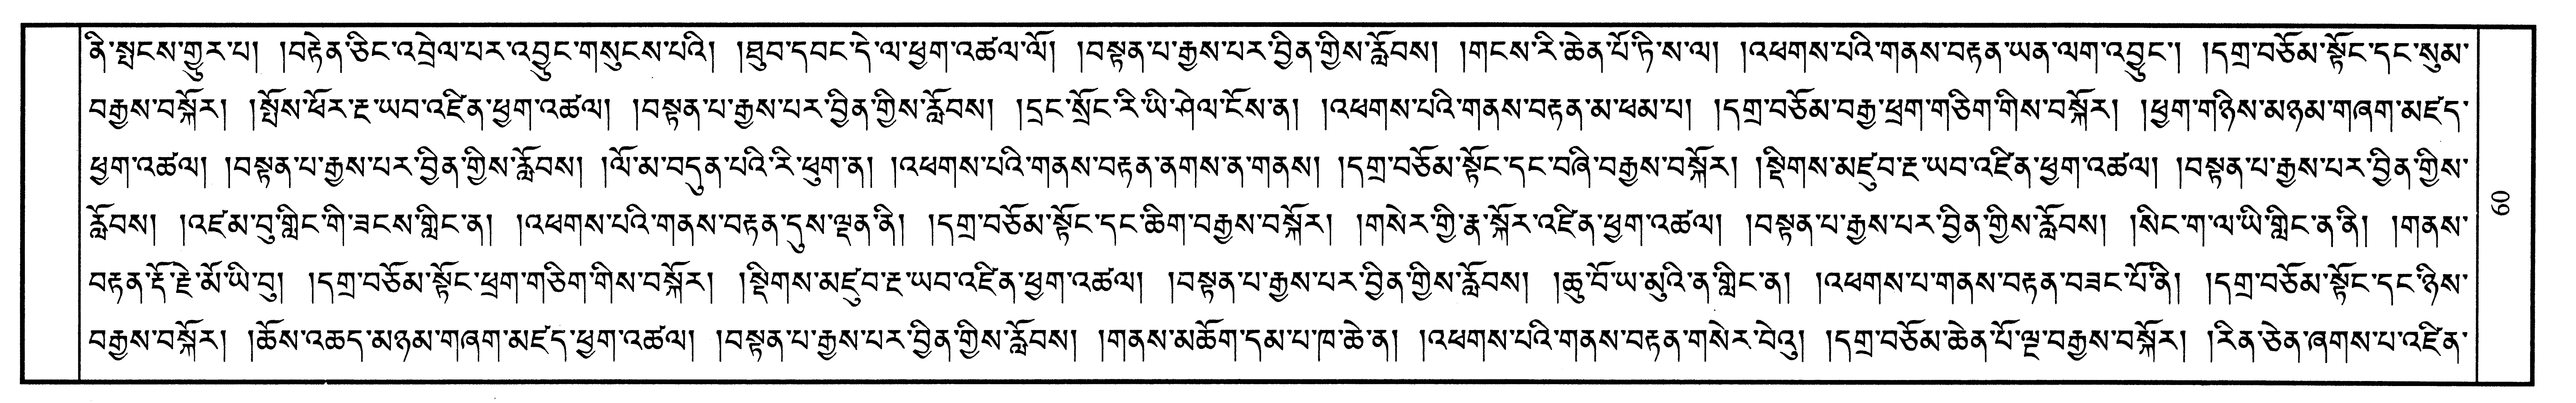ནི་སྤངས་གྱུར་པ། །བརྟེན་ཅིང་འབྲེལ་པར་འབྱུང་གསུངས་པའི། །ཐུབ་དབང་དེ་ལ་ཕྱག་འཚལ་ལོ། །བསྟན་པ་རྒྱས་པར་བྱིན་གྱིས་རློབས། །གངས་རི་ཆེན་པོ་ཏི་ས་ལ། །འཕགས་པའི་གནས་བརྟན་ཡན་ལག་འབྱུང་། །དགྲ་བཅོམ་སྟོང་དང་སུམ་
བརྒྱས་བསྐོར། །སྤོས་ཕོར་རྔ་ཡབ་འཛིན་ཕྱག་འཚལ། །བསྟན་པ་རྒྱས་པར་བྱིན་གྱིས་རློབས། །དྲང་སྲོང་རི་ཡི་ཤེལ་ངོས་ན། །འཕགས་པའི་གནས་བརྟན་མ་ཕམ་པ། །དགྲ་བཅོམ་བརྒྱ་ཕྲག་གཅིག་གིས་བསྐོར། །ཕྱག་གཉིས་མཉམ་གཞག་མཛད་
ཕྱག་འཚལ། །བསྟན་པ་རྒྱས་པར་བྱིན་གྱིས་རློབས། །ལོ་མ་བདུན་པའི་རི་ཕུག་ན། །འཕགས་པའི་གནས་བརྟན་ནགས་ན་གནས། །དགྲ་བཅོམ་སྟོང་དང་བཞི་བརྒྱས་བསྐོར། །སྡིགས་མཛུབ་རྔ་ཡབ་འཛིན་ཕྱག་འཚལ། །བསྟན་པ་རྒྱས་པར་བྱིན་གྱིས་
རློབས། །འཛམ་བུ་གླིང་གི་ཟངས་གླིང་ན། །འཕགས་པའི་གནས་བརྟན་དུས་ལྡན་ནི། །དགྲ་བཅོམ་སྟོང་དང་ཆིག་བརྒྱས་བསྐོར། །གསེར་གྱི་རྣ་སྐོར་འཛིན་ཕྱག་འཚལ། །བསྟན་པ་རྒྱས་པར་བྱིན་གྱིས་རློབས། །སིང་ག་ལ་ཡི་གླིང་ན་ནི། །གནས་
བརྟན་རྡོ་རྗེ་མོ་ཡི་བུ། །དགྲ་བཅོམ་སྟོང་ཕྲག་གཅིག་གིས་བསྐོར། །སྡིགས་མཛུབ་རྔ་ཡབ་འཛིན་ཕྱག་འཚལ། །བསྟན་པ་རྒྱས་པར་བྱིན་གྱིས་རློབས། །ཆུ་བོ་ཡ་མུའི་ན་གླིང་ན། །འཕགས་པ་གནས་བརྟན་བཟང་པོ་ནི། །དགྲ་བཅོམ་སྟོང་དང་ཉིས་
བརྒྱས་བསྐོར། །ཆོས་འཆད་མཉམ་གཞག་མཛད་ཕྱག་འཚལ། །བསྟན་པ་རྒྱས་པར་བྱིན་གྱིས་རློབས། །གནས་མཆོག་དམ་པ་ཁ་ཆེ་ན། །འཕགས་པའི་གནས་བརྟན་གསེར་བེའུ། །དགྲ་བཅོམ་ཆེན་པོ་ལྔ་བརྒྱས་བསྐོར། །རིན་ཅེན་ཞགས་པ་འཛིན་